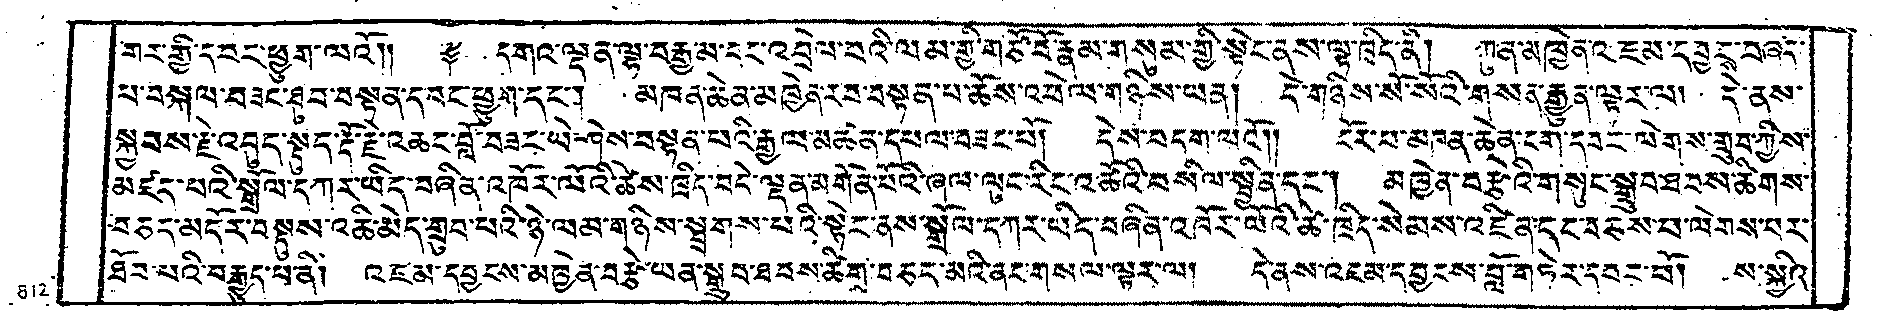གར་གྱི་དབང་ཕྱུག་ལའོ།། ༈ དགའ་ལྡན་ལྷ་བརྒྱ་མ་དང་འབྲེལ་བའི་ལམ་གྱི་གཙོ་བོ་རྣམ་གསུམ་གྱི་སྟེང་ནས་ལྟ་ཁྲིད་ནི། ཀུན་མཁྱེན་འཇམ་དབྱངས་བཞད་
པ་བསྐལ་བཟང་ཐུབ་བསྟན་དབང་ཕྱུག་དང་། མཁན་ཆེན་མཁྱེན་རབ་བསྟན་པ་ཆོས་འཕེལ་གཉིས་ཡན། དེ་གཉིས་སོ་སོའི་གསན་རྒྱུན་ལྟར་ལ། དེ་ནས་
སྐྱབས་རྗེ་འབུད་སྡུད་རྡོ་རྗེ་འཆང་བློ་བཟང་ཡེ་ཤེས་བསྟན་པའི་རྒྱལ་མཚན་དཔལ་བཟང་པོ། དེས་བདག་ལའོ།། ངོར་པ་མཁན་ཆེན་ངག་དབང་ལེགས་གྲུབ་ཀྱིས་
མཛད་པའི་སྒྲོལ་དཀར་ཡིད་བཞིན་འཁོར་ལོའི་ཚེས་ཁྲིད་བདེ་ལྡན་མགོན་པོའི་ཞལ་ལུང་རིང་འཚོའི་བསིལ་སྦྱིན་དང་། མཁྱེན་བརྩེའི་གསུང་སྒྲུབ་ཐབས་ཚིགས་
བཅད་མདོར་བསྡུས་འཆི་མེད་གྲུབ་པའི་ཉེ་ལམ་གཉིས་སྦྲགས་པའི་སྟེང་ནས་སྒྲོལ་དཀར་ཡིད་བཞིན་འཁོར་ལོའི་ཚེ་ཁྲིད་སེམས་འཛིན་དང་བཅས་པ་ལེགས་པར་
ཐོབ་པའི་བརྒྱུད་པ་ནི། འཇམ་དབྱངས་མཁྱེན་བརྩེ་ཡན་སྒྲུབ་ཐབས་ཚིགས་བཅད་མའི་ནང་གསལ་ལྟར་ལ། དེ་ནས་འཇམ་དབྱངས་བློ་གཏེར་དབང་པོ། ས་སྐྱའི་